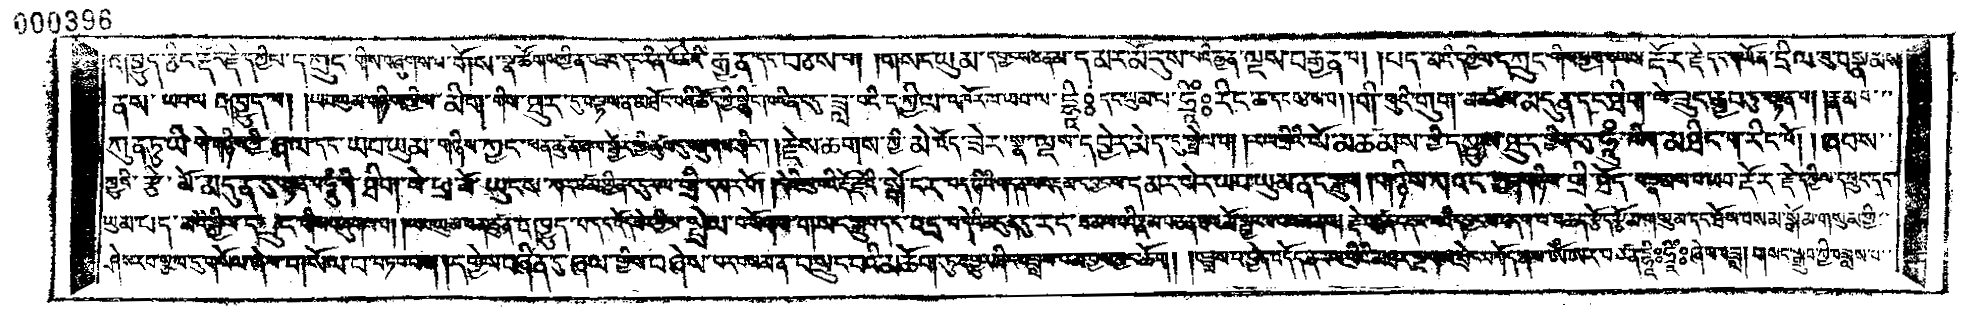འཁྱུད་ཅིང་རྡོར་རྗེ་དཀྱིལ་དཀྲུང་གིས་བཞུགས་པ་གོས་སྣ་ཚོགས་ཀྱི་ན་བཟའ་དང་རིན་པོ་ཆེའི་རྒྱན་དང་བཅས་པ།  །གསང་ཡུམ་དབྱངས་ཅན་མ་དམར་མོ་རུས་པའི་རྒྱན་ལྔས་བརྒྱན་པ།  །པད་མའི་དཀྱིལ་དཀྲུང་གིས་ཕྱག་གཡས་རྡོར་རྗེ་དང་གཡོན་དྲིལ་བུ་བསྣམས་
ནས་ཡབ་ལ་འཁྱུད་པ། །ཡབ་ཡུམ་གཉིས་ཀྱིས་མིག་གིས་ཐུར་དུ་བལྟས་ན་མཐོང་བའི་ཚོད་ཀྱི་སྙིང་ཁའི་ནང་དུ་ཟླ་བའི་དཀྱིལ་འཁོར་ལ་ཡབ་ལ་དྷཱིཿ་དང་ཡུམ་པ་ཧྲཱིཾཿ རིང་ཆ་དང་བཅས་པ། །གི་གུའི་གུག་མཚམས་མདུན་དང་ཐིག་ལེ་ཟུང་རྒྱབ་ཏུ་བསྟན་པ། །རྣམ་པ
ཀུན་ཏུ་ཡི་གེ་གཉིས་ཀྱི་ཞལ་དང་ཡབ་ཡུམ་གཉིས་ཀྱང་ཕན་ཚུན་ཞལ་སྦྱོར་གྱི་ཚུལ་དུ་བཞུགས་ཤིང་།  །རྗེས་ཆགས་ཀྱི་མེ་འོད་ཟེར་སྣ་ལྔས་དབྱེར་མེད་དུ་སྤྲེལ་བ། །རལ་གྲིའི་སོ་མཚམས་ཀྱི་དཀྱུས་ཐུར་གྱི་ནང་དུ་ཧཱུཾ་ཡིག་མཐིང་ག་རིང་པོ། །ཞབས་
ཀྱུའི་རྩེ་མོ་མདུན་དུ་བསྟན་པ་ཧཱུཾ་གི་ཐིག་ལེ་ཕྲ་མོ་ཡུངས་ཀར་ཙམ་གྱི་ནང་དུ་རལ་གྲི་དཀར་པོ། །དེའི་ཡུ་བའི་རྡོ་རྗེའི་སྒོ་ངར་པད་ཉིའི་གདན་ལ་འཇམ་དབྱངས་དམར་སེར་ཡབ་ཡུམ་ནང་སྒྲུག །གཉིས་ཀའང་ཕྱག་གཉིས་གྲི་ཐོད་བསྣམས་པ་ཡབ་རྡོར་རྗེ་དཀྱིལ་དཀྲུང་དང་
ཡུམ་པད་མའི་སྐྱིལ་དཀྲུང་གིས་བཞུགས་པ། །ཡབ་ཡུམ་ཕན་ཚུན་འཁྱུད་པ་དང་འོད་ཟེར་གྱིས་སྤྲེལ་པ་སོགས་གསང་སྒྲུབ་དང་འདྲ་བ་དེའི་མདུན་དུ་རང་ཐ་མལ་བའི་རྣམ་པ་ཅན་ཐལ་མོ་སྦྱར་བ་བསམ་ནས། རྗེ་བཙུན་འཇམ་པའི་དབྱངས་བདག་ལ་འཆད་རྩོད་རྩོམ་གསུམ་དང་ཐོས་བསམ་སྒོམ་གསུམ་གྱི་
ཤེས་རབ་སྩལ་དུ་གསོལ་ཞེས་གསོལ་བ་བཏབ་པས།  །དགྱེས་བཞིན་དུ་ཞལ་གྱིས་བཞེས་པར་བསམ་ན་བསྲུང་བའི་མཆོག་ཏུ་འགྱུར་ཞིང་བཟླས་པ་མ་བྱས་ཀྱང་ཆོག ། །བཟླས་པ་བྱེད་འདོད་ན་རལ་གྲིའི་མཐར་སྔགས་ཕྲེང་བཀོད་ནས་ཨོཾ་ཨ་ར་པ་ཙ་ན་དྷཱིཿ ཧྲཱིཾཿ ཞེས་བཟླ། གསང་སྒྲུབ་ཀྱི་བཟླས་པ་